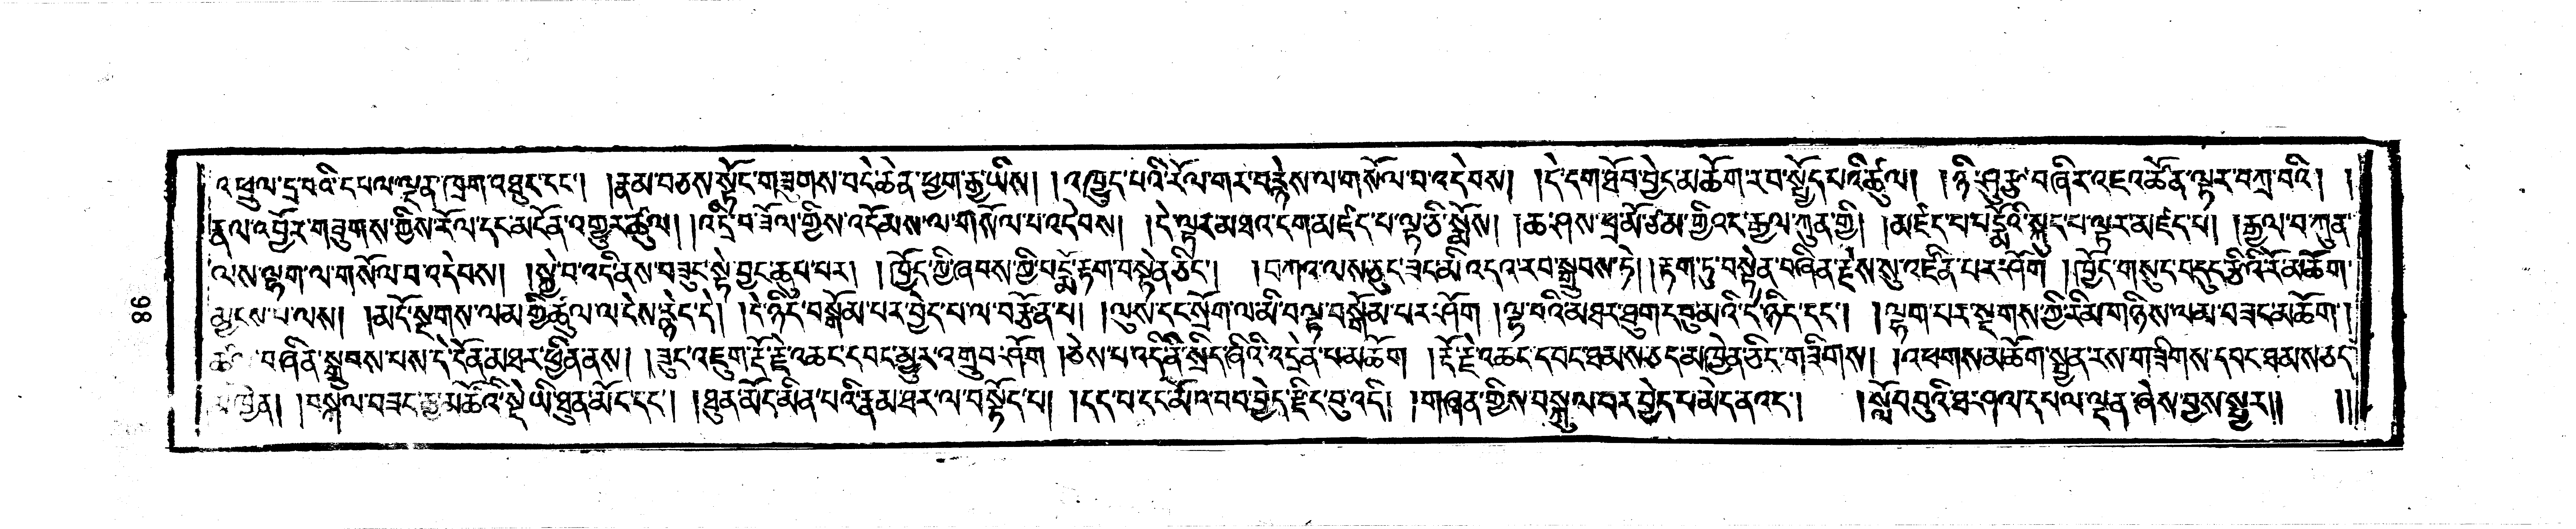འཕྲུལ་དྲ་བའི་དཔལ་ལྡན་ཁྲག་འཐུང་དང་། །རྣམ་བཅས་སྟོང་གཟུགས་བདེ་ཆེན་ཕྱག་རྒྱ་ཡིས། །འཁྱུད་པའི་རོལ་གར་བརྙེས་ལ་གསོལ་བ་འདེབས། །དེ་དག་ཐོབ་བྱེད་མཆོག་རབ་སྤྱོད་པའི་ཚུལ། །ཉི་ཤུ་རྩ་བཞིར་འཇའ་ཚོན་ལྟར་བཀྲ་བའི། །
རྣལ་འབྱོར་གཟུགས་ཀྱིས་རོལ་དང་མངོན་འགྱུར་ཚུལ། །འདྲི་བ་ཟོལ་གྱིས་འདོམས་ལ་གསོལ་པ་འདེབས། །དེ་ལྟར་མཐའ་དག་མཛད་པ་ལྟ་ཅི་སྨོས། །ཆ་ཤས་ཕྲ་མོ་ཙམ་གྱི་འང་རྒྱལ་ཀུན་གྱི། །མཛད་པ་པདམོའི་སྐུད་པ་ལྟར་མཛད་པ། །རྒྱལ་བ་ཀུན་
ལས་ལྷག་ལ་གསོལ་བ་འདེབས། །སྐྱེ་བ་འདི་ནས་བཟུང་སྟེ་བྱང་ཆུབ་པར། །ཁྱོད་ཀྱི་ཞབས་ཀྱི་པདམོ་རྟག་བསྟེན་ཅིང་། །བཀའ་ལས་ཅུང་ཟང་མི་འདའ་རབ་སྒྲུབས་ཏེ། །རྟག་ཏུ་བསྟེན་བཞིན་རྗེས་སུ་འཛིན་པར་ཤོག །ཁྱོད་གསུང་བདུད་རྩིའི་རོ་མཆོག་
མྱངས་པ་ལས། །མདོ་སྔགས་ལམ་གྱི་ཚུལ་ལ་ངེས་རྙེད་དེ། །དེ་ཉིད་བསྒོམ་པར་བྱེད་པ་ལ་བརྩོན་པ། །ལུས་དང་སྲོག་ལ་མི་བལྟ་བསྒོམ་པར་ཤོག །ལྟ་བའི་མཐར་ཐུག་དབུ་མའི་དེ་ཉིད་དང་། །ལྷག་པར་སྔགས་ཀྱི་རིམ་གཉིས་ལམ་བཟང་མཆོག།
ཚུལ་བཞིན་སྒྲུབས་པས་དེ་དོན་མཐར་ཕྱིན་ནས། །ཟུང་འཇུག་རྡོ་རྗེ་འཆང་དབང་མྱུར་འགྲུབ་ཤོག །ཅེས་པ་འདི་ནི་སྲིད་ཞིའི་འདྲེན་པ་མཆོག །རྡོ་རྗེ་འཆང་དབང་ཐམས་ཅད་མཁྱེན་ཅིང་གཟིགས། །འཕགས་མཆོག་སྤྱན་རས་གཟིགས་དབང་ཐམས་ཅད་
མཁྱེན། །བསྐལ་བཟང་རྒྱ་མཚོའི་སྡེ་ཡི་ཐུན་མོང་དང་། །ཐུན་མོང་མིན་པའི་རྣམ་ཐར་ལ་བསྟོད་པ། །དད་པ་དང་མོ་འབབ་བྱེད་རྫིང་བུ་འདི། །གཞན་གྱིས་བསྐུལ་བར་བྱེད་པ་མེད་ནའང་། །སློབ་བུའི་ཐ་ཤལ་དཔལ་ལྡན་ཞེས་བྱས་སྤྱར།། །།